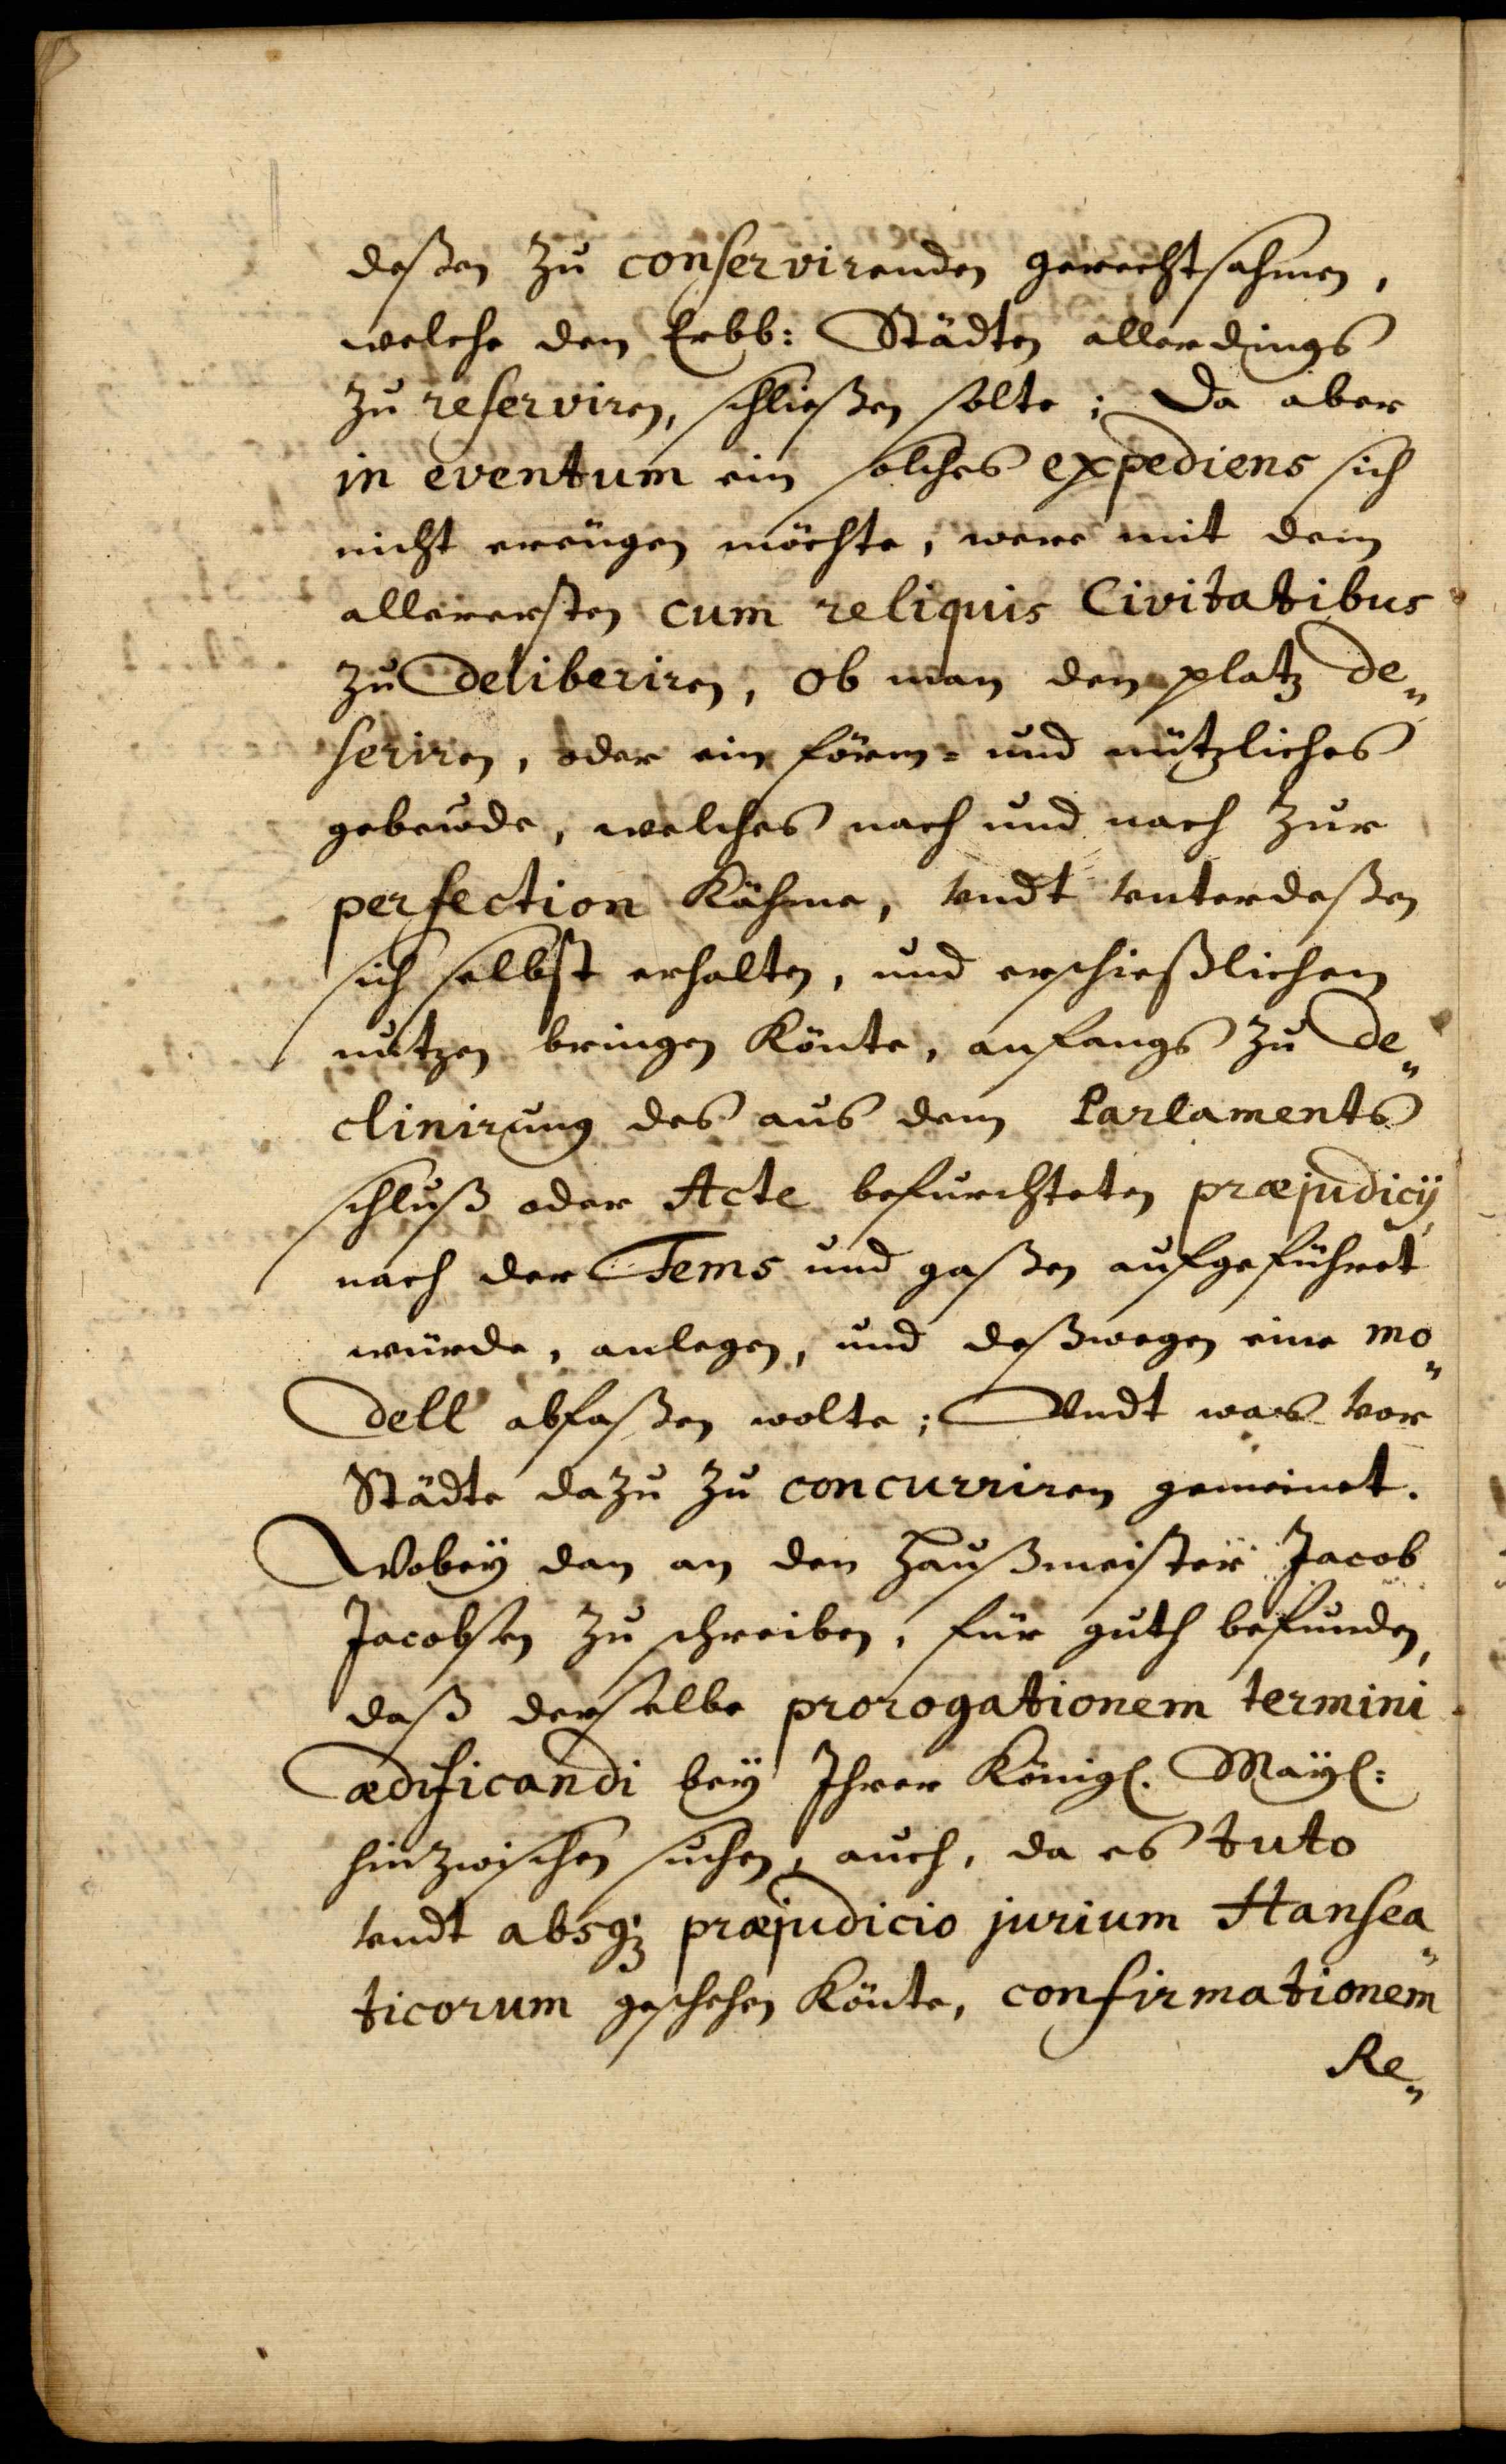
deßen zu conservirenden gerechtsahmen,
welche den Erbb: Städten allerdings
zu reserviren, schließen solte; Da aber
in eventum ein solches expediens sich
nicht ereügen möchte, were mit dem
allerersten cum reliquis Civitatibus
zu deliberiren, ob man den platz de¬
seriren, oder ein förm= vnd nützliches
gebewde, welches nach und nach zur
perfection kähme, vndt vnterdeßen
sich selbst erhalten, und erschießlichen
nutzen bringen könte, anfangs zu de¬
clinirung des aus dem Parlaments
schluß oder Acte befurchteten praejudicij
nach der Tems und gaßen aufgeführet
würde, anlegen, und deßwegen eine mo¬
dell abfaßen wolte; Vnndt was vor
Städte dazu zu concurriren gemeinet.
Wobeij dan an den Haußmeister Jacob
Jacobsen zu schreiben, für guth befunden,
daß derselbe prorogationem termini
aedificandi beij Ihrer Königl. Maij:
hinzwischen suchen, auch, da es tuto
vndt absque praejudicio jurium Hansea¬
ticorum geschehen könte, confirmationem
Re¬
